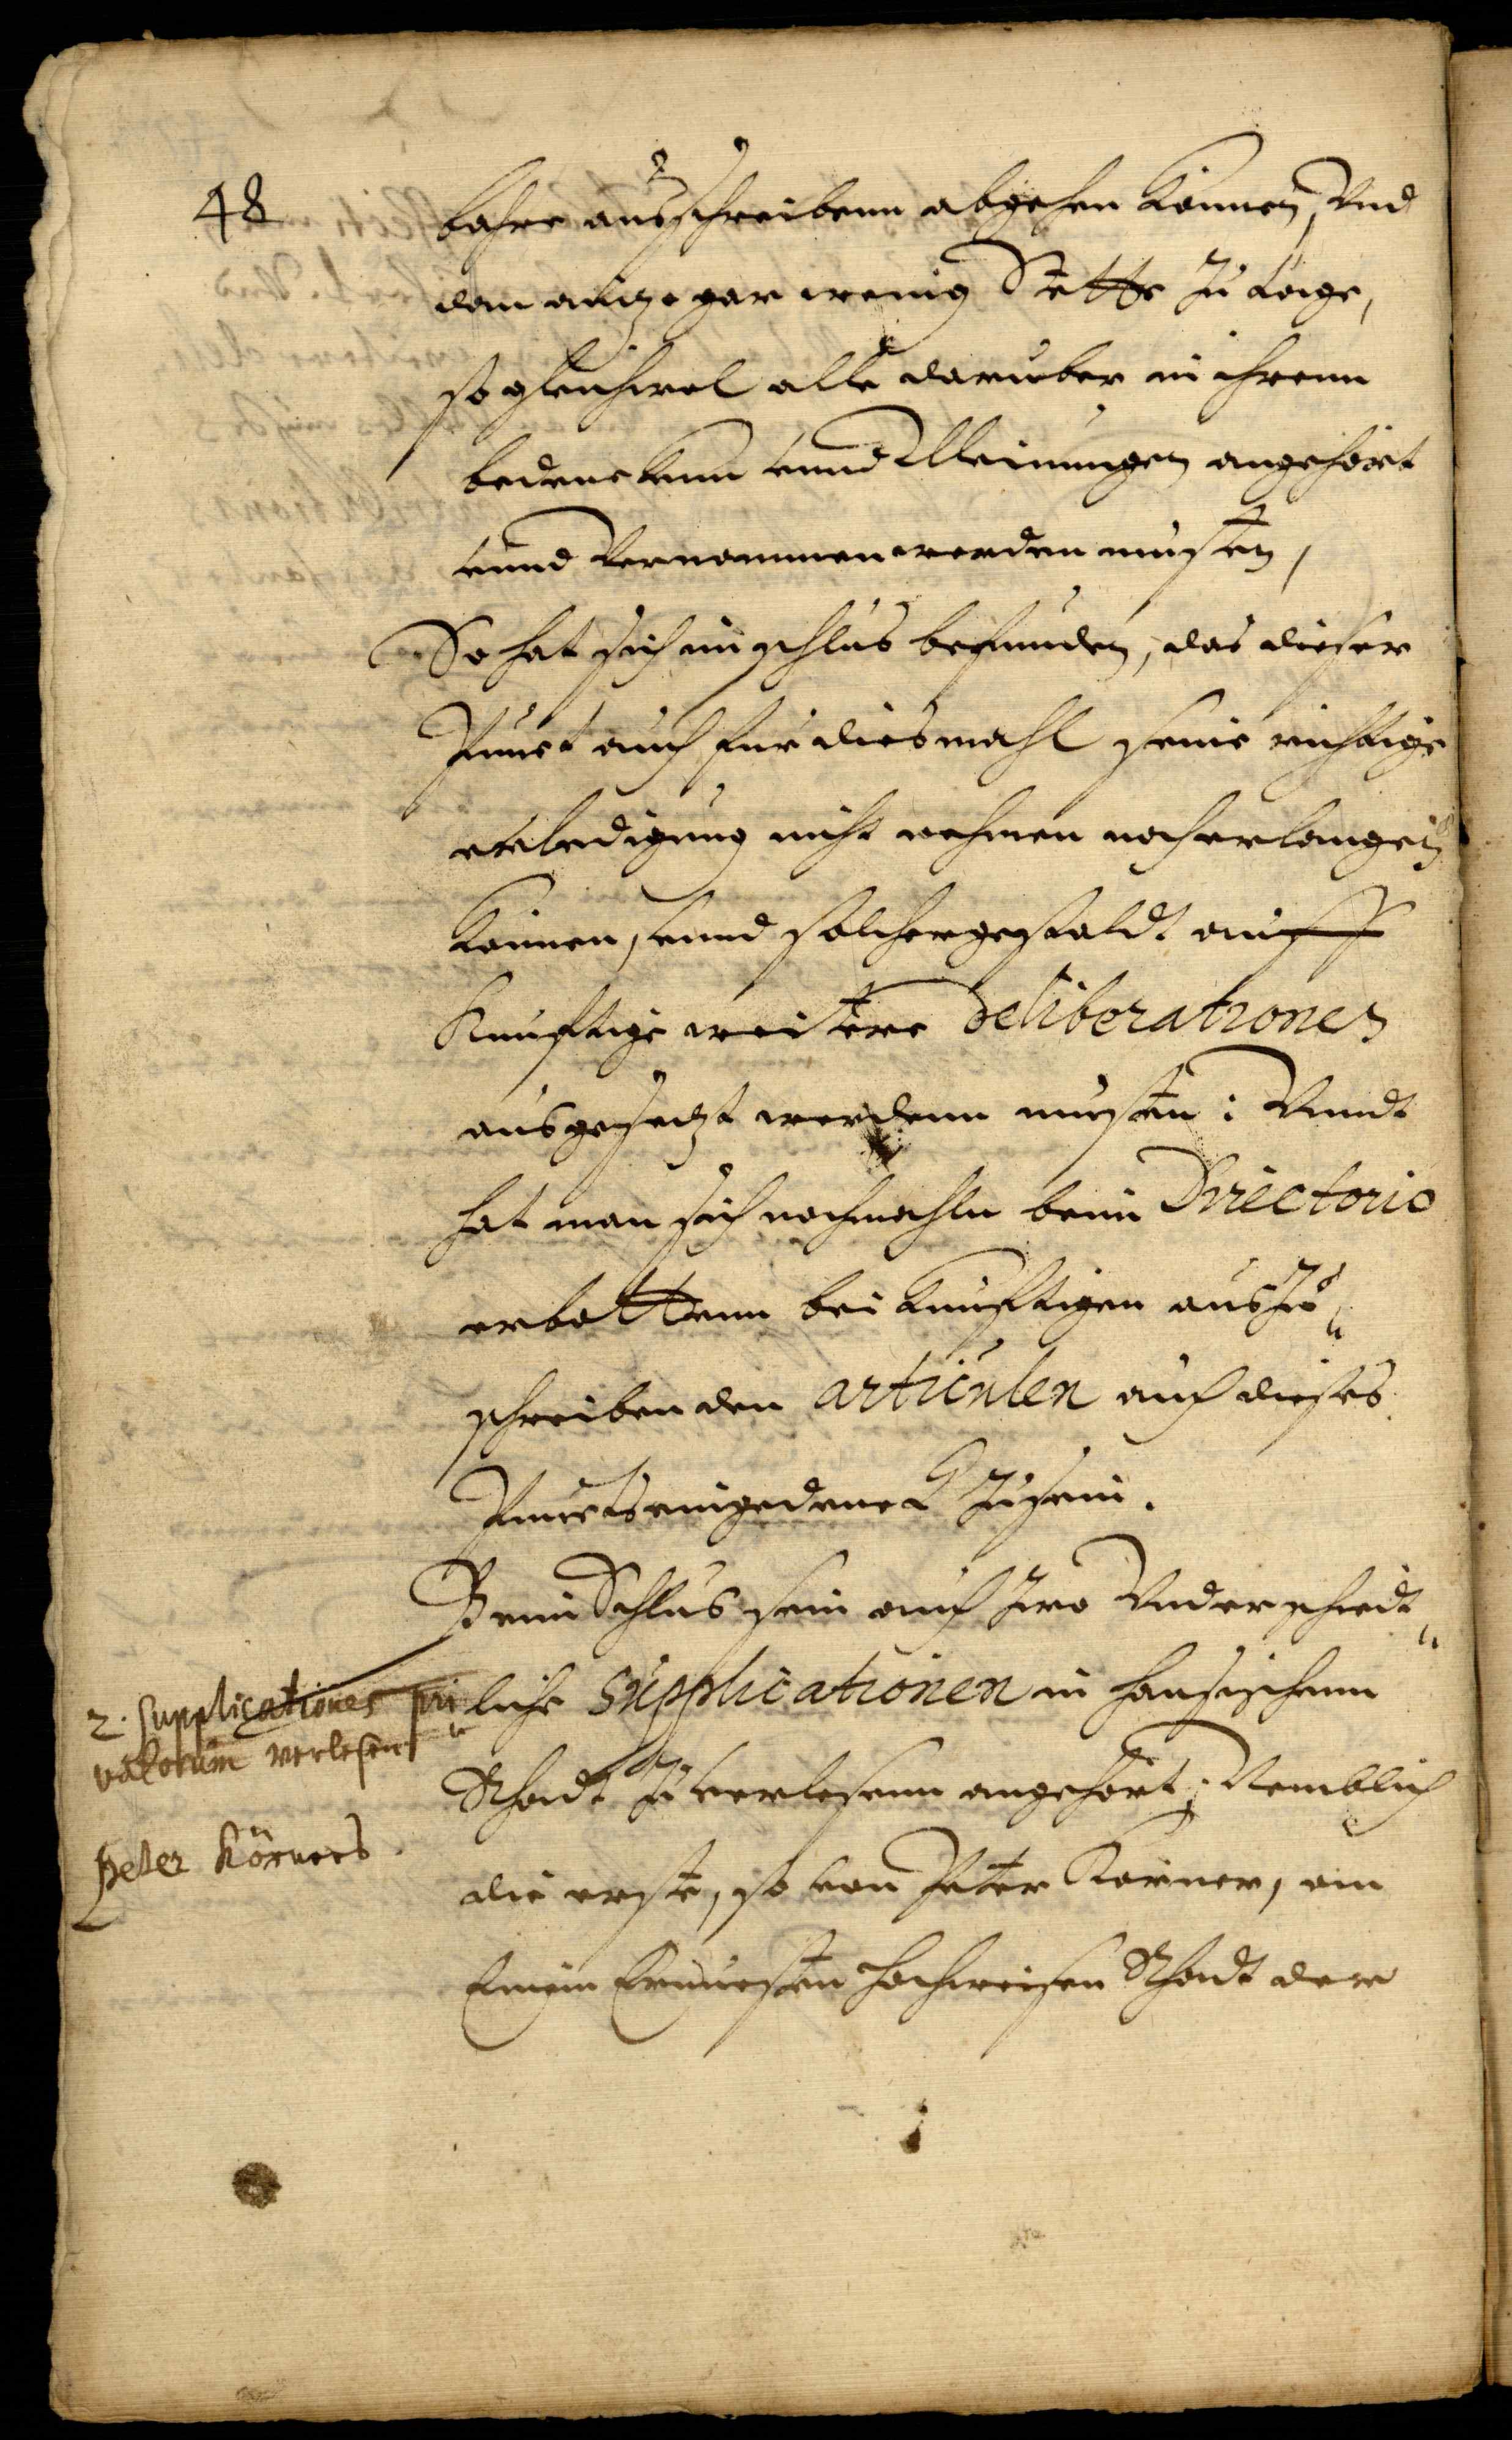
48
bahre ausschreibenn abgehen konnen, Vnd
dan anitzo gar wenig Stette zu tage,
so gleichwol alle daruber in ihrenn
bedenckenn vnnd Meinungen angehort
vnnd Vernommen werden musten,
So hat sich im schlus befunden, das dieser
Punct auch fur diesmahl seine wichtige
erledigung nicht nehmen noch erlangen
konnen, vnnd solchergestaldt auff
kunftige weitere deliberationen
ausgesetzt werdenn musten: Vnndt
hat man sich nochmahln beim Directorio
erbottenn bei kunftigen auszu¬
schreibenden articulen auch dieses
Puncts eingedenck zusein.
Beim Schlus sein auch zwo Vnderschiedt¬
liche supplicationen in hansischenn
Rhadt zu verlesenn angehort; Nemblich
die erste, so von Peter Korner, an
Einem Ernuesten hochweisen Rhadt der
2 supplicationes pri¬
valorum verlesen
Peter Körners.
